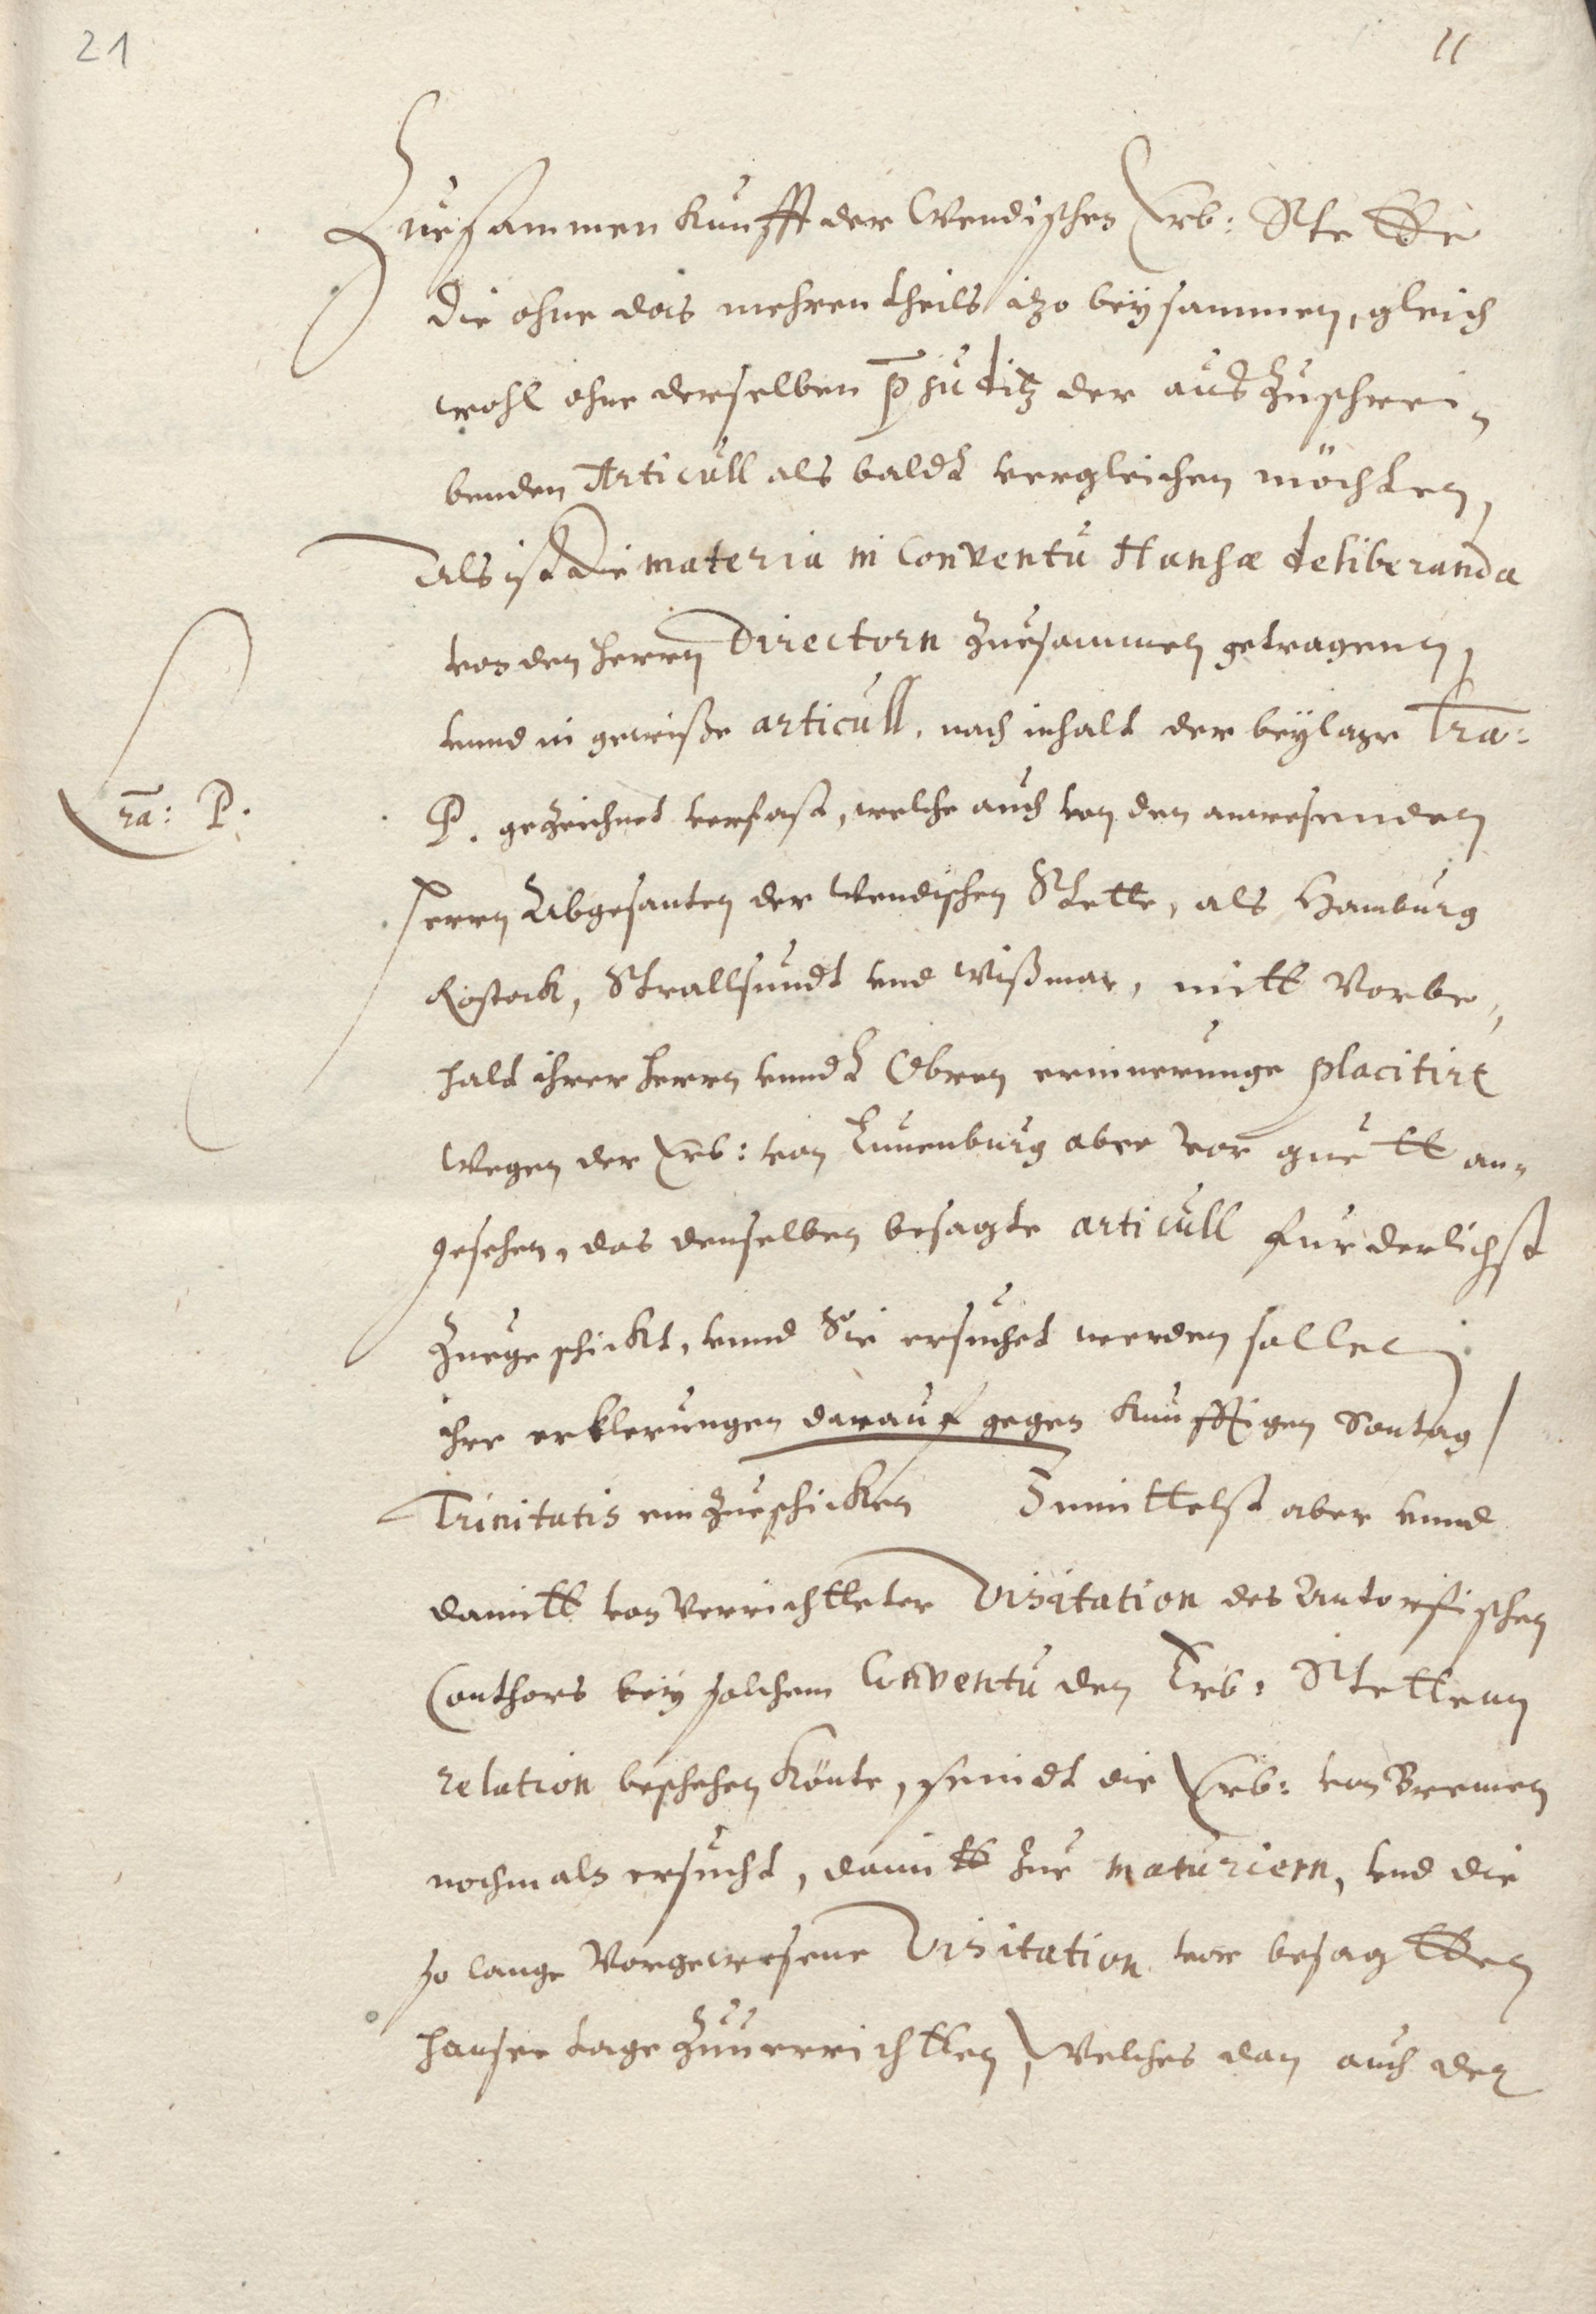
11
Zuesammenkunftt der Wendischen Erb: Stette
die ohne das mehrentheils itzo beijsammen, gleich
wohl ohne derselben preiuditz der auszuschrei¬
benden Articull als baldt vergleichen möchten,
Als ist die materia in conventu Hansae deliberanda
von den herrn Directorn zuesammen getragenn,
vnnd in gewiße articull, nach inhalt der beijlage littera
P. gezeichnet verfast, welche auch von den anwesenden
herrn Abgesanten der Wendischen Stette, als Hamburg
Rostock, Strallsundt und Wißmar, mitt vorbe¬
halt ihrer herrn vnndt Obren erinnerunge placitirt
wegen der Erb: von Lunenburg aber vor guett an¬
gesehen, das denselben besagte articull furderlichst
zuegeschickt, vnnd Sie ersuchet werden sollen
ihre erklerungen darauf gegen kunfftigen Sontag /
Trinitatis einzueschicken Inmittelst aber vnnd
damitt von verrichtteter Visitation des Antorfischen
Conthors beij solchem Conventu den Erb: Stettenn
relation beschehen könte, seindt die Erb: von Bremen
nochmals ersucht, damitt zue maturiern, vnd die
so lange vorgewesene Visitation vor besagtten
hansee tage zuuerrichtten, Welches dan auch der
Littera P.
